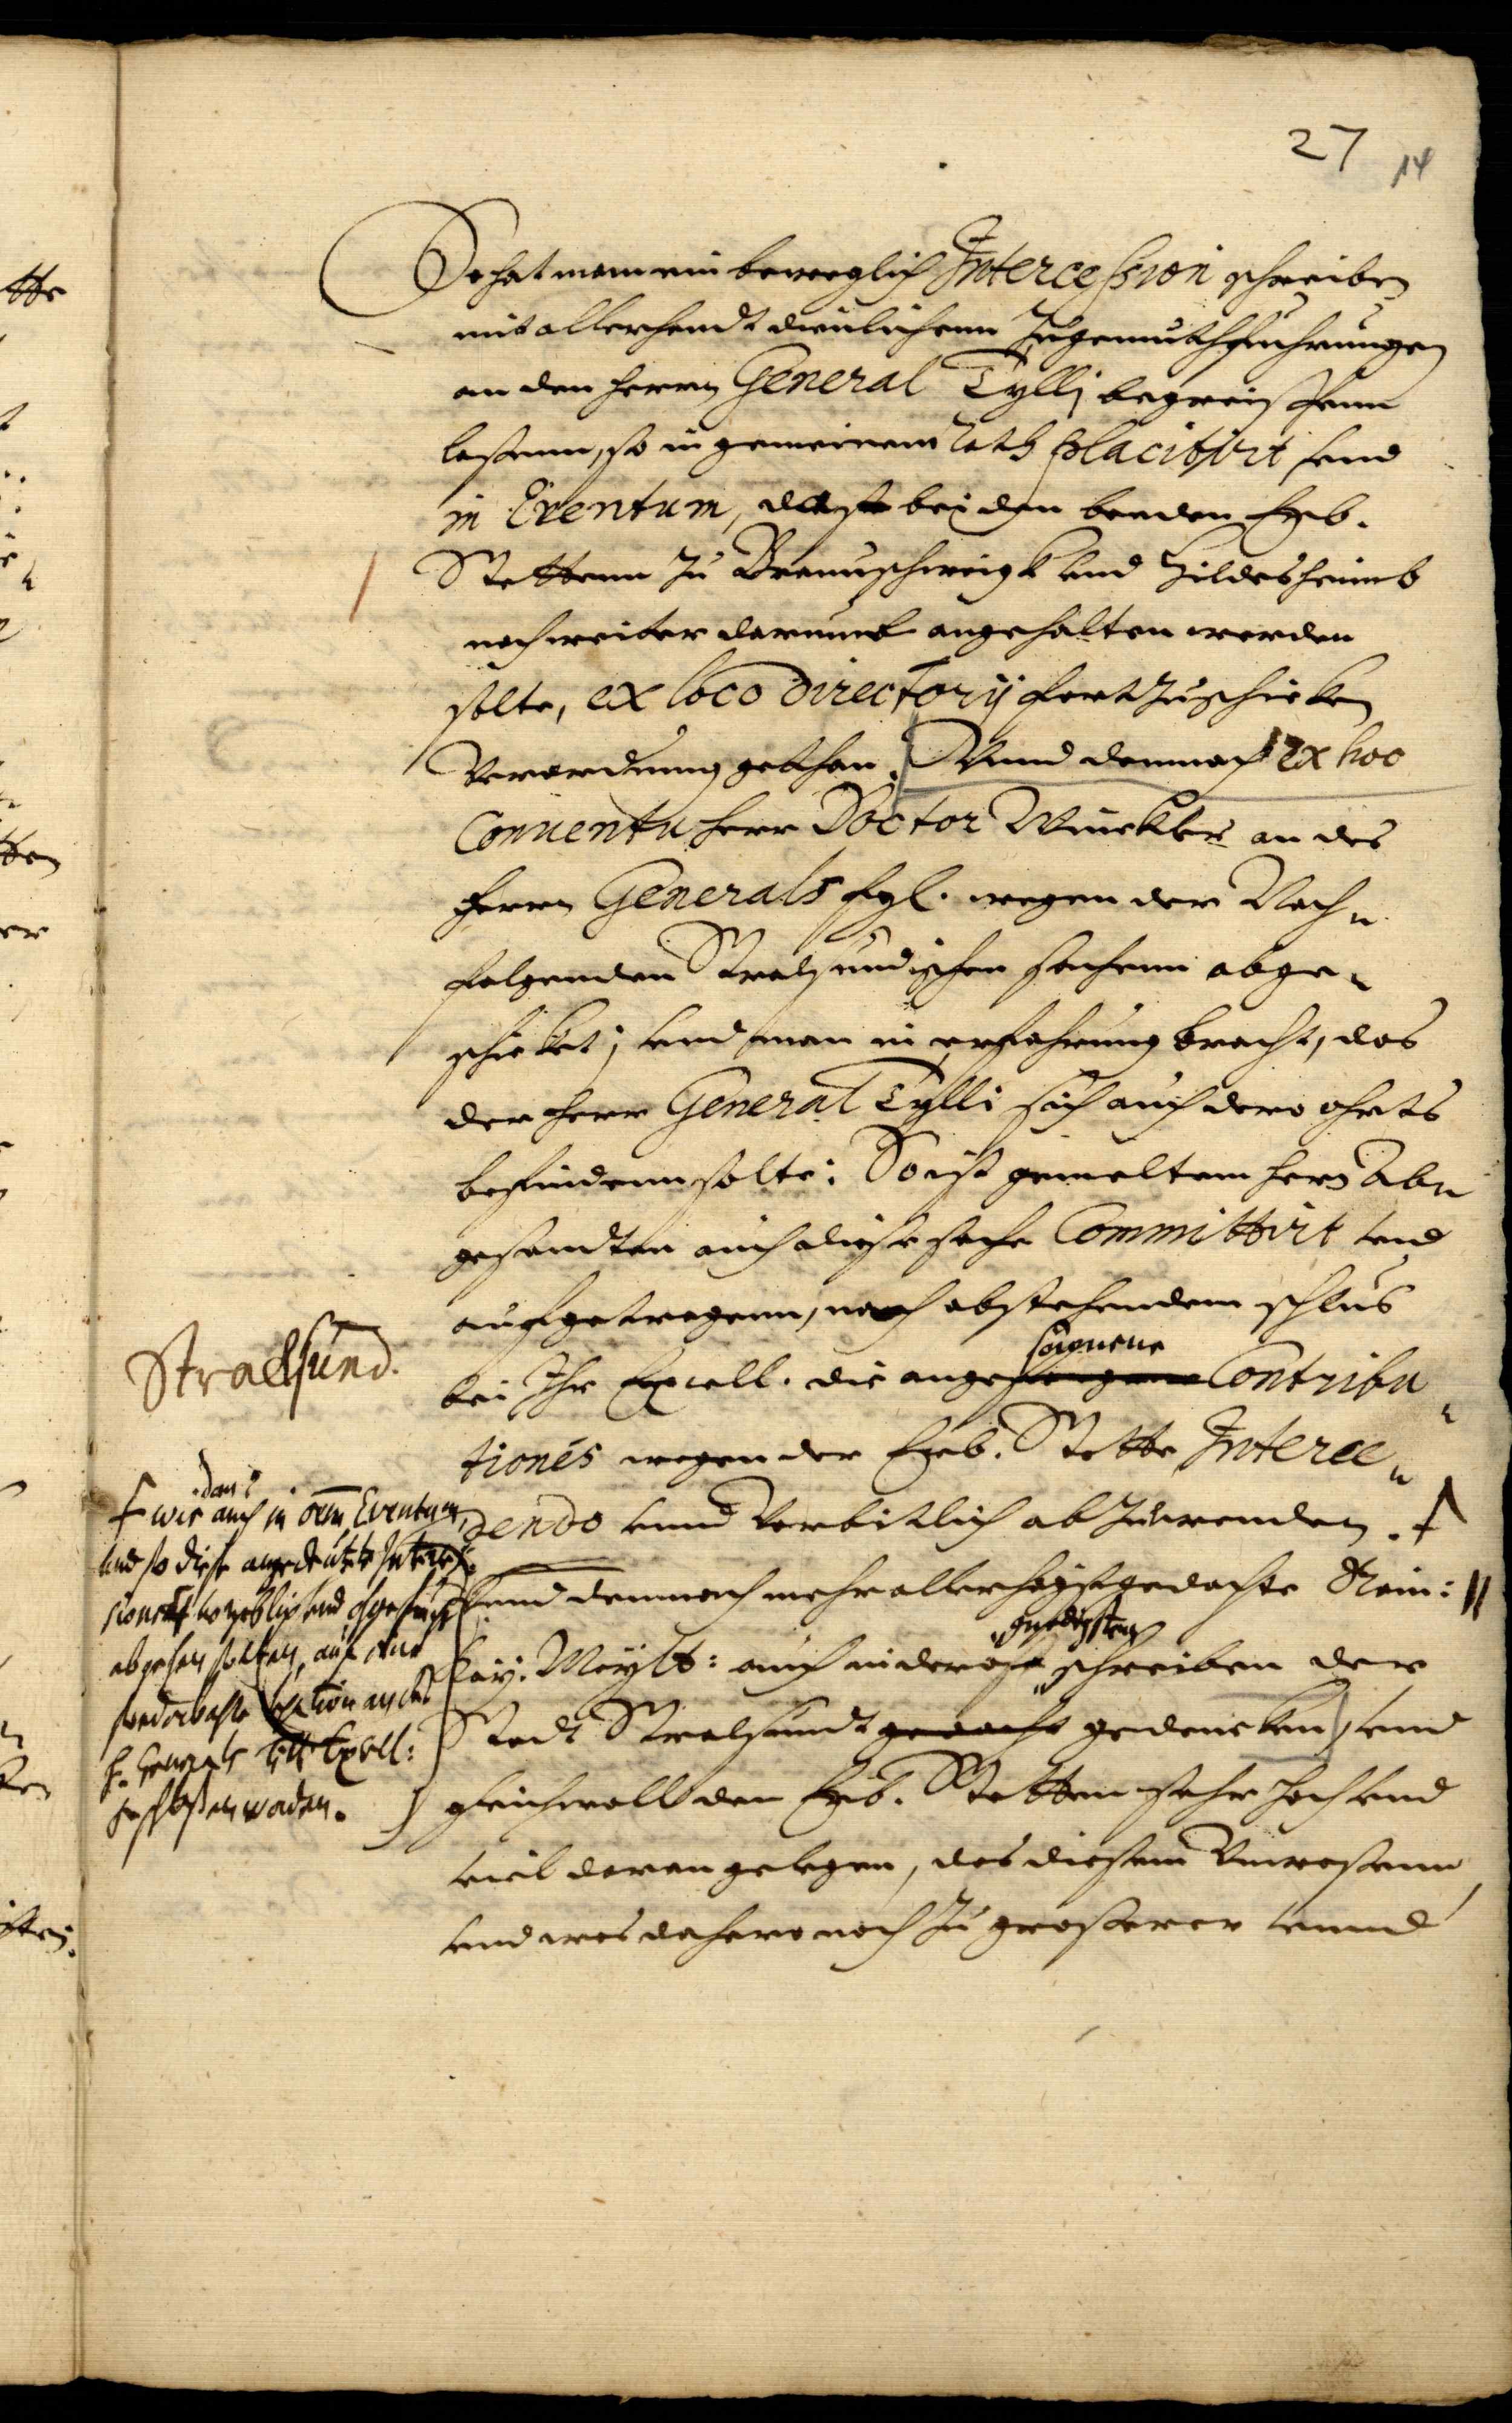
27
Stralsund
dan
* wie auch in dem Eventum
vnd so diese angedeutete Interces¬
sioness vorgeblich vnd ohne frucht
abgehen solten, auf eine
sonderbahre ration an des
h. Generals Tilli Excell:
geschloßen worden.
So hat man ein beweglich Intercession schreiben
mit allerhandt dienlichenn Zugemuthfuhrungen
an den herrn General Tylli begreiffenn
laßenn, so in gemeinem Rath placitirt seind
in Eventum, dass bei den beeden Erb.
Stettenn zu Braunschweigk vnd Hildesheimb
noch weiter darumb angehalten werden
solte, ex loco directorij fortzuschicken
verordnung gethan. Vnd demnach ex hoc
Conventu herr Doctor Winckler an des
herrn Generals fgl. wegen der Nach¬
folgenden Stralsundischen sachenn abge¬
schicket; vnd man in erfahrung bracht, das
der herr General Tylli sich auch dero ohrts
befindenn solte: So ist gemeltem hern Ab¬
gesandten auch diese sache Committirt vnd
aufgetragenn, nach abstehendem schlus
sonnene
bei Ihr Excell. die angefengene Contribu¬
tiones wegen der Erb. Stette Interce¬
dendo vnnd Verbitlich abzuwenden. *
Vnnd demnach mehr allerhögstgedachte Röm:
gnedigsten
Kaij: Maijtt: auch in deroß schreiben der
Stadt Stralsundt gedacht gedencken, vnd
gleichwoll den Erb.Stetten sehr hoch vnd
viel daran gelegen, das diesem Vnweßenn
vnd was dahero noch zu großerer vnnd
